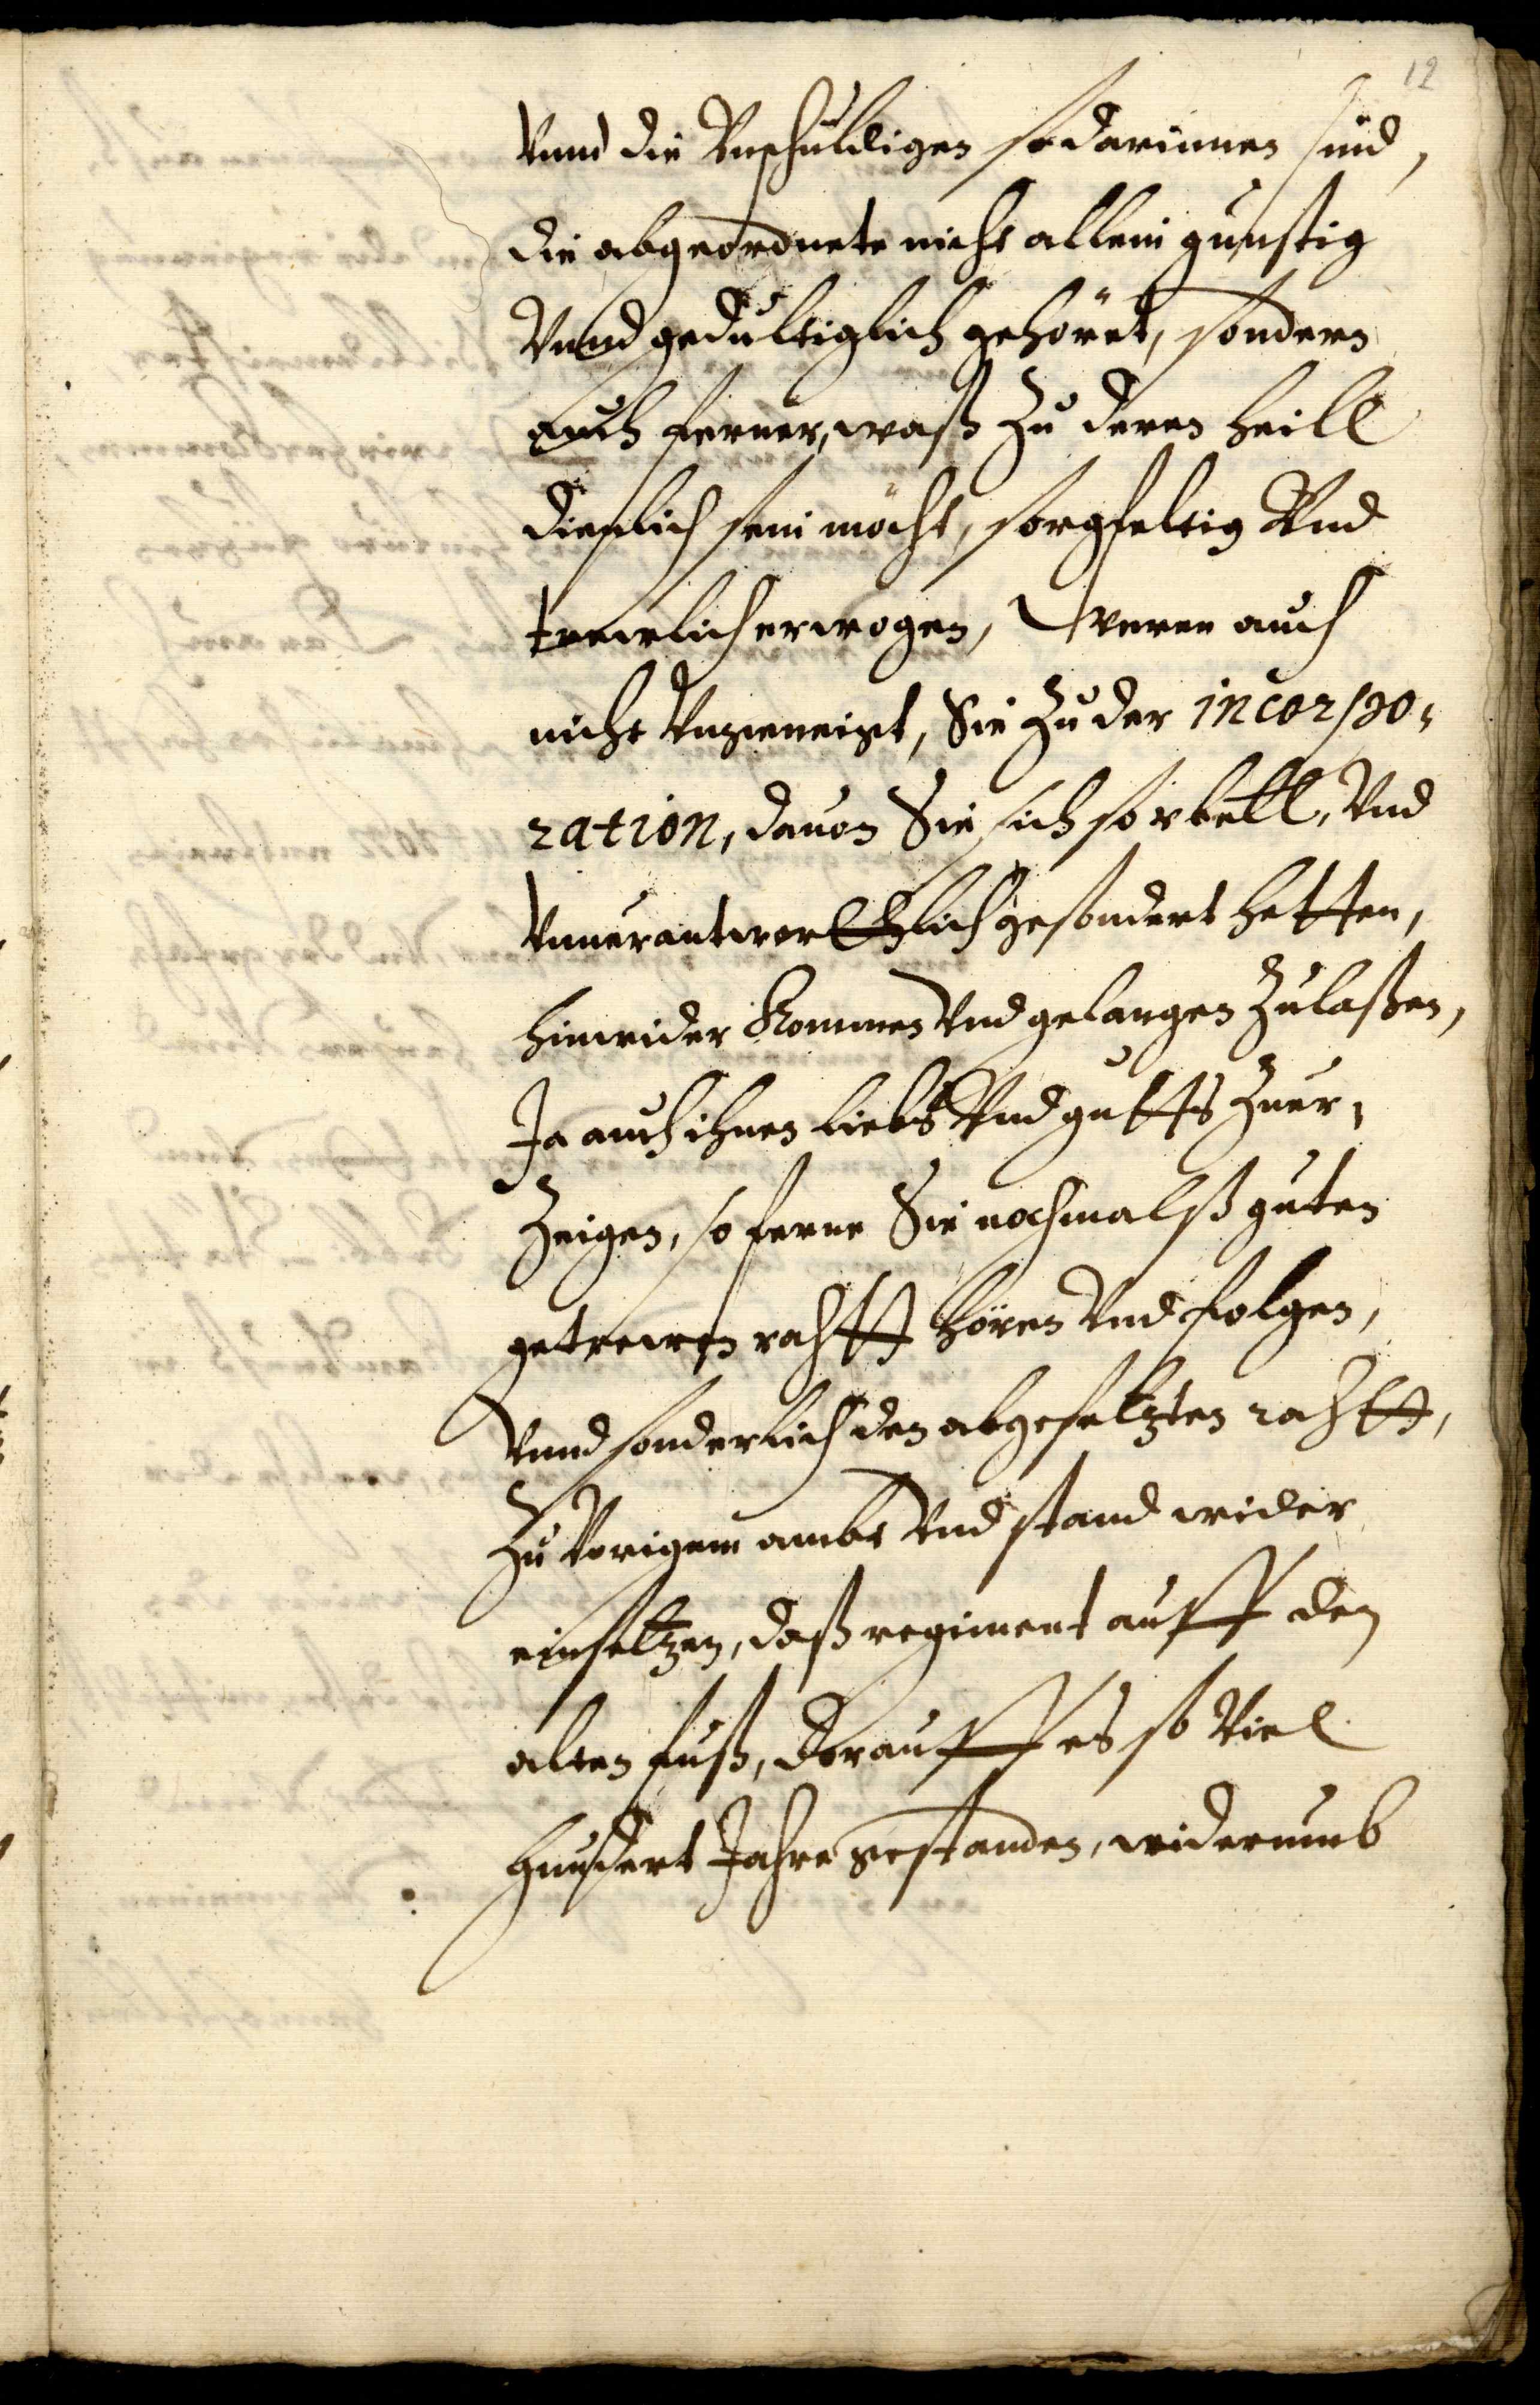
Vnnd die Vnschuldigen so darinnen sind,
die abgeordnete nicht allein gunstig
Vnnd gedultiglich gehöret, sondern
auch ferner, waß zu deren heill
dienlich sein möcht, sorgfeltig Vnd
trewlich erwogen, weren auch
nicht Vngeneiget, Sie zu Der incorpo¬
ration, dauon Sie sich so vbell, Vnd
Vnuerantworttlich gesondert hetten,
hinwider kommen Vnd gelangen zulaßen,
Ja auch ihnen liebs Vnd gutts zuer¬
zeigen, so ferner Sie nochmalß guten
getrewen rahtt hören Vnd folgen,
Vnnd sonderlich den abgesetzten rahtt,
zu Vorigem ambt Vnd stand wieder
einsetzen, daß regiment auff den
alten fuß, Darauff es so Viel
hundert Jahre gestanden, widerumb
